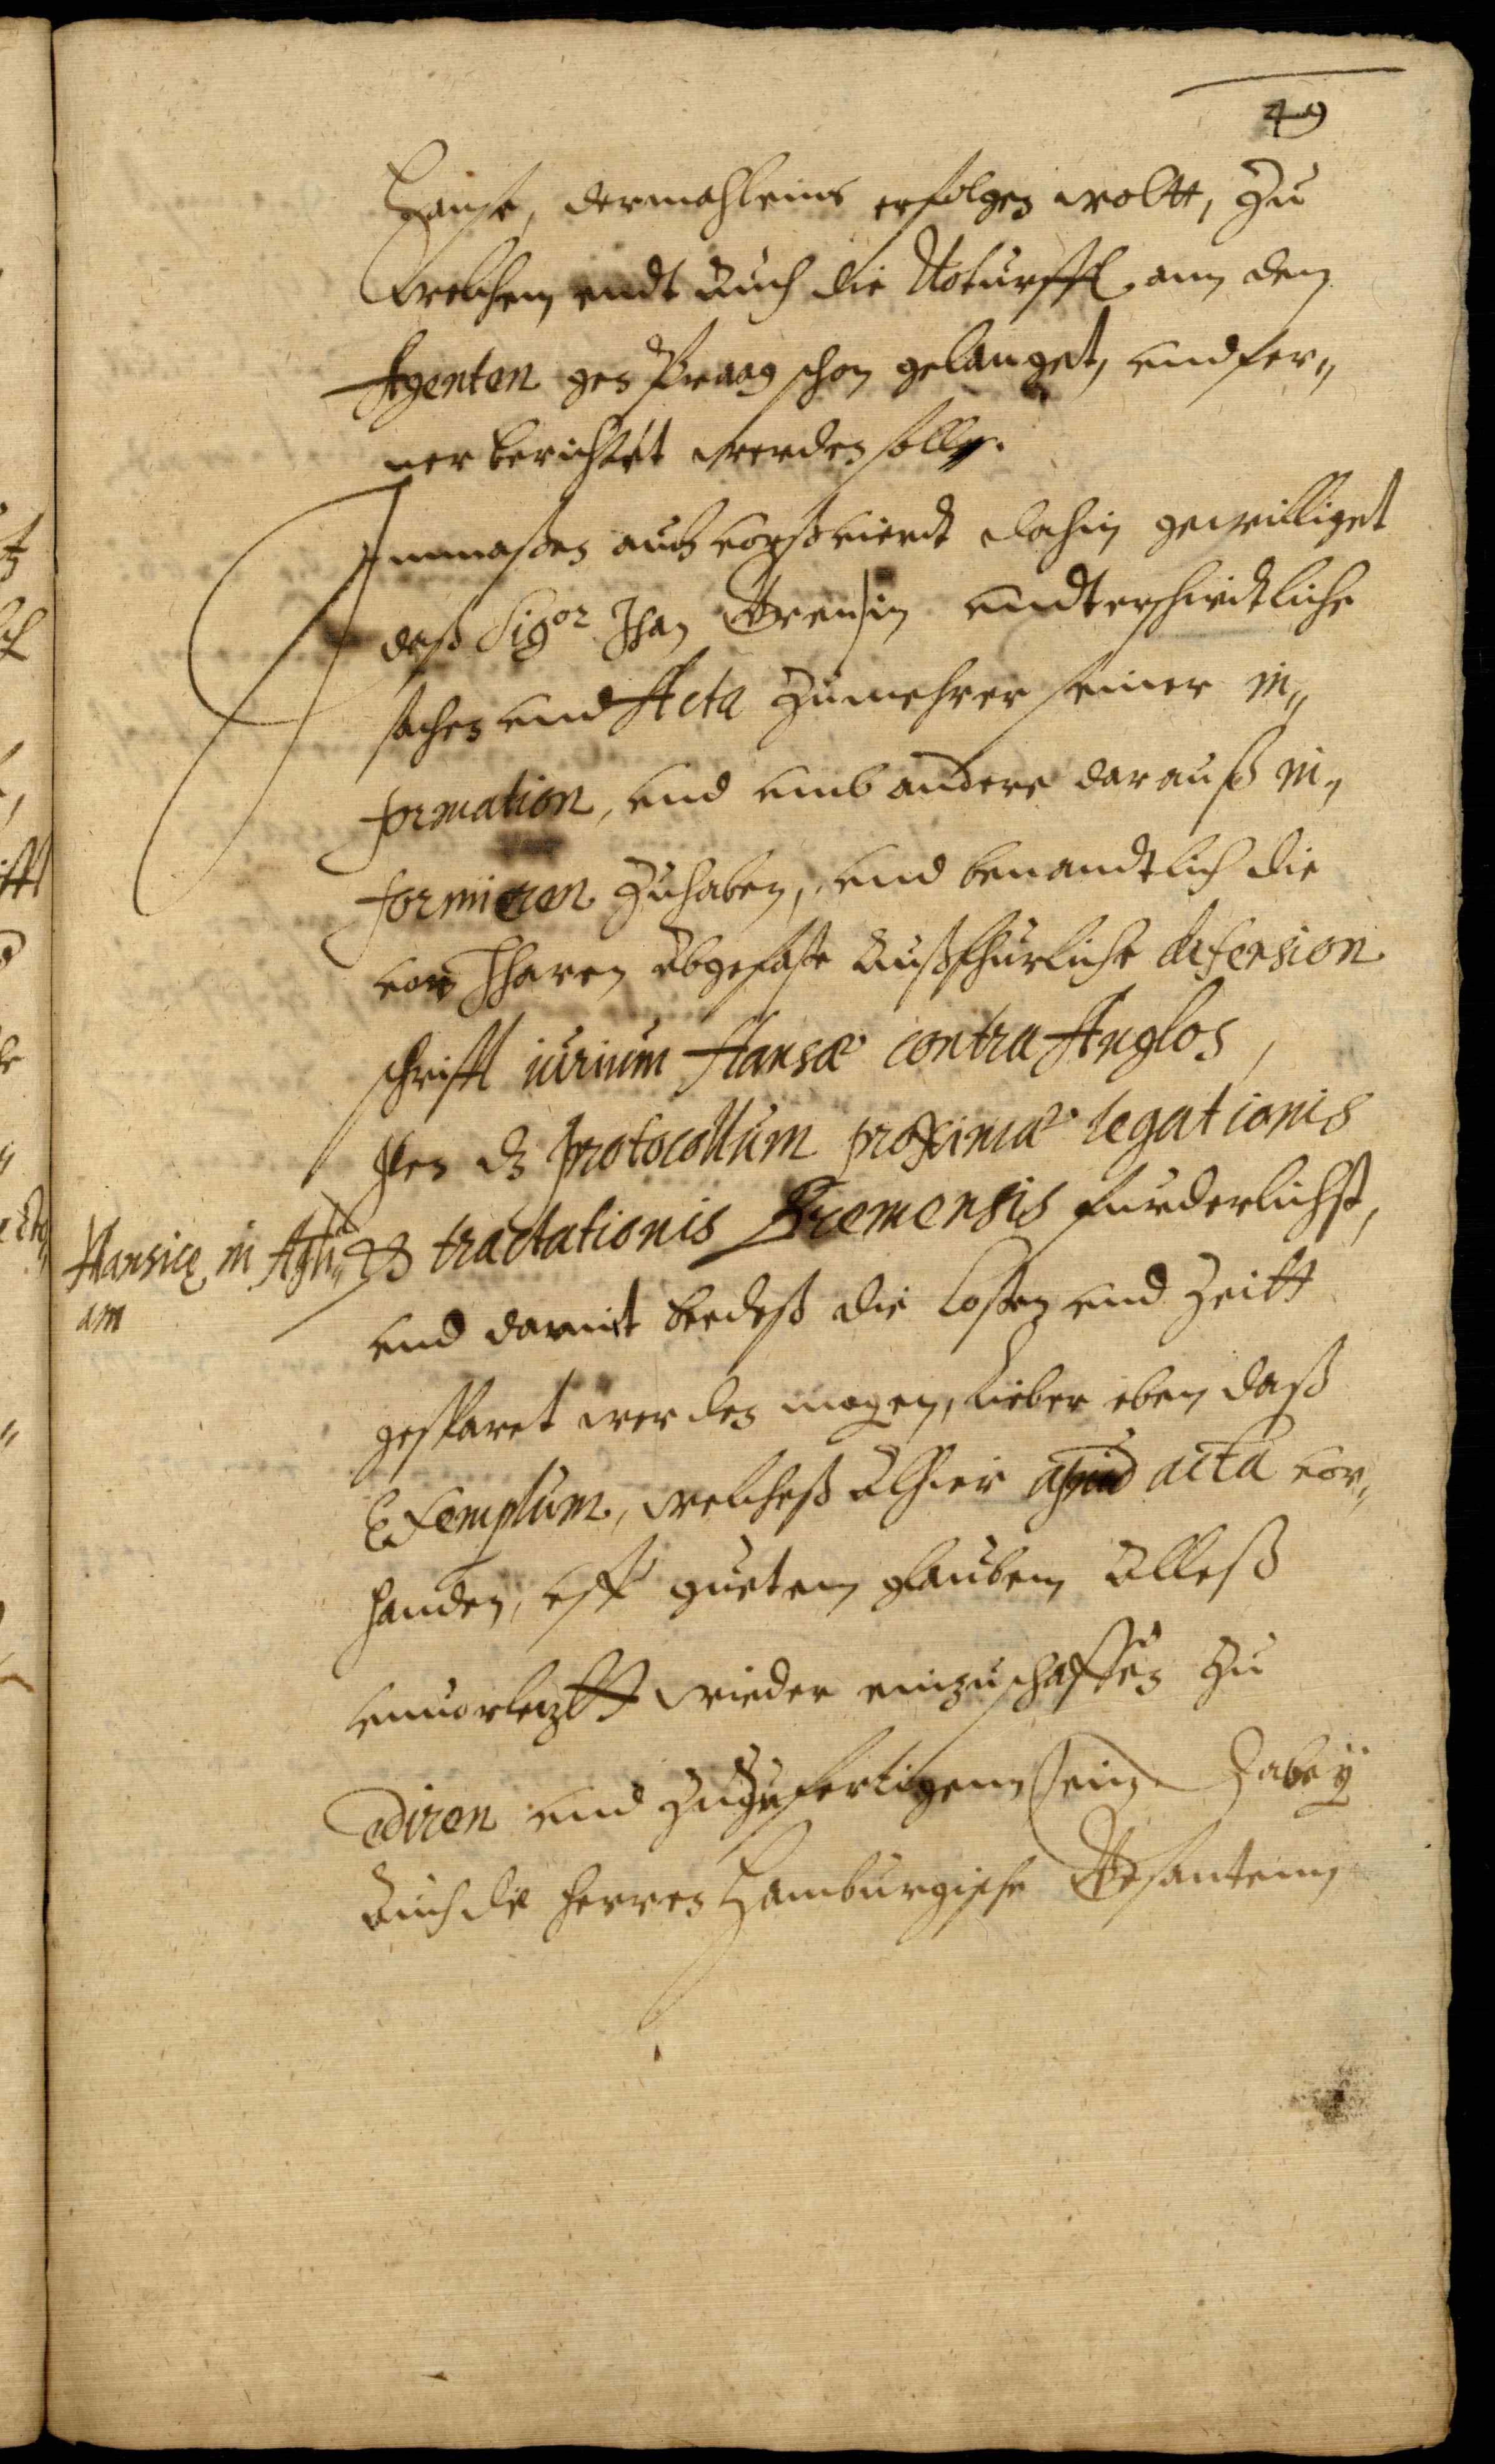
49
Hanse, dermahleins erfolgen woltt, zu
welchem vndt Auch die Notturftt ann den
Agenten von Praag schon gelanget, vnd fer¬
ner berichtet werden solle.
Immaßen auch vorß vierdt dahin gewilliget
daß Sigor Jhan Grensin vndterschiedtliche
sachen vnd Acta zuwehrer seiner in¬
formation, vnd vmb andere darauß in¬
formiren zu haben, vnd benandtlich die
vor Jharen abgefaßte außfhurliche defension
schrifft iurium Hansae contra Anglos,
Ihen das protocollum proxima legationis
& tractationis Bremensis furderlichst,
vnd damit beedeß die Costen vnd Zeitt
gesparet werden mogen, Lieber eben daß
Exemplum, welcheß Alhier apud acta vor¬
handen, vff guetem glaubenn Alleß
vnuorletztt wieder einzuschaffen zu
ediren vnd zuzufertigen sein Dabeij
Auch die herren Hamburgische Gesantenn
Hansiae in Angli¬
am
